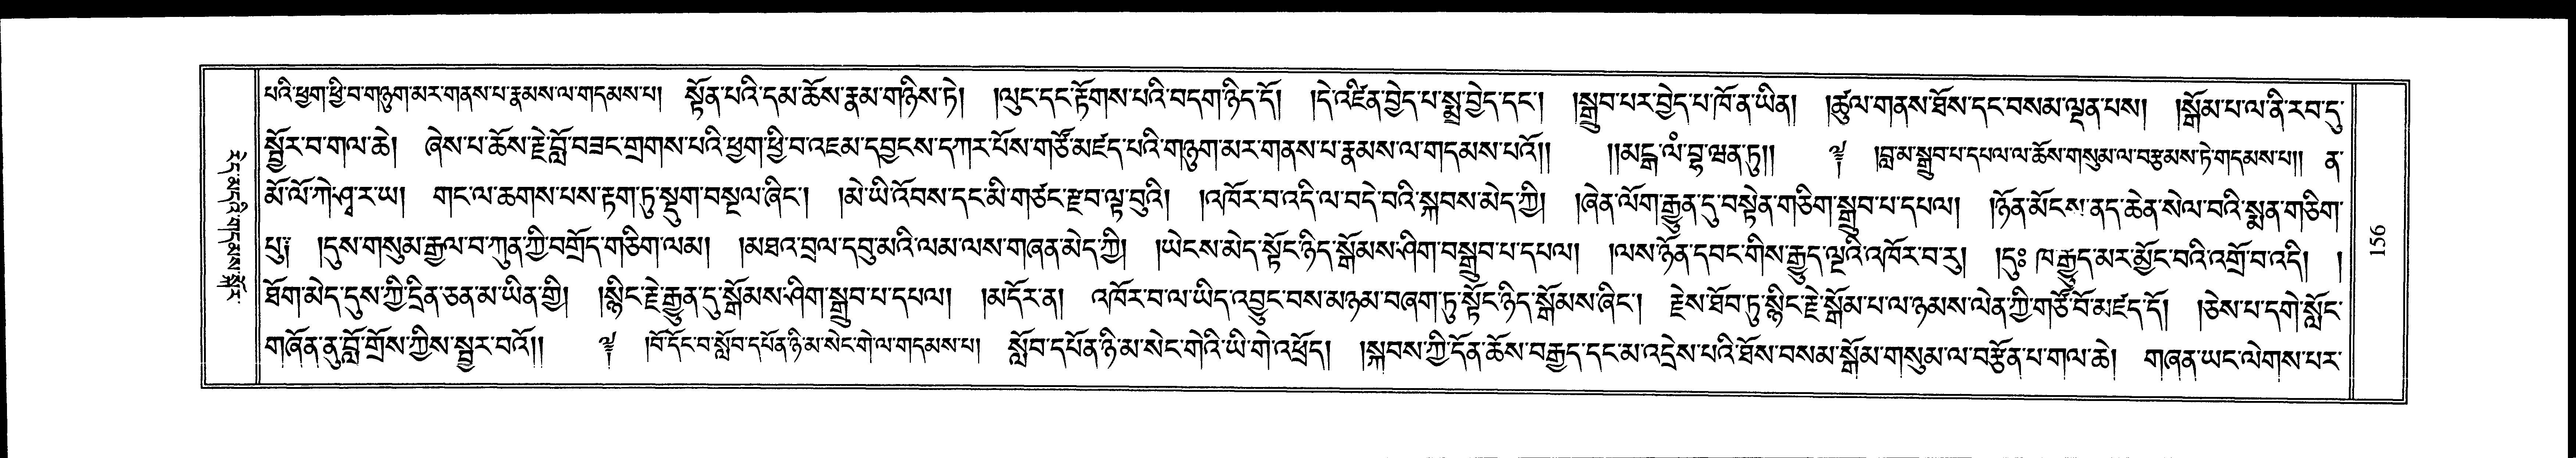པའི་ཕྱག་ཕྱི་བ་གཉུག་མར་གནས་པ་རྣམས་ལ་གདམས་པ། སྟོན་པའི་དམ་ཆོས་རྣམ་གཉིས་ཏེ། །ལུང་དང་རྟོགས་པའི་བདག་ཉིད་དོ། །དེ་འཛིན་བྱེད་པ་སྨྲ་བྱེད་དང་། །སྒྲུབ་པར་བྱེད་པ་ཁོ་ན་ཡིན། །ཚུལ་གནས་ཐོས་དང་བསམ་ལྡན་པས། །སྒོམ་པ་ལ་ནི་རབ་དུ་
སྦྱོར་བ་གལ་ཆེ། ཞེས་པ་ཆོས་རྗེ་བློ་བཟང་གྲགས་པའི་ཕྱག་ཕྱི་བ་འཇམ་དབྱངས་དཀར་པོས་གཙོ་མཛད་པའི་གཉུག་མར་གནས་པ་རྣམས་ལ་གདམས་པའོ།། །།མངྒ་ལཾ་བྷ་ཝན་ཏུ།། ༈ །བླ་མ་སྒྲུབ་པ་དཔལ་ལ་ཆོས་གསུམ་ལ་བརྩམས་ཏེ་གདམས་པ། ན་
མོ་ལོ་ཀེ་ཤྭ་ར་ཡ། གང་ལ་ཆགས་པས་རྟག་ཏུ་སྡུག་བསྔལ་ཞིང་། །མེ་ཡི་འོབས་དང་མི་གཙང་རྫབ་ལྟ་བུའོ། །འཁོར་བ་འདི་ལ་བདེ་བའི་སྐབས་མེད་ཀྱི། །ཞེན་ལོག་རྒྱུན་དུ་བསྟེན་གཅིག་སྒྲུབ་པ་དཔལ། །ཉོན་མོངས་ནད་ཆེན་སེལ་བའི་སྨན་གཅིག་
པུ། །དུས་གསུམ་རྒྱལ་བ་ཀུན་གྱི་བགྲོད་གཅིག་ལམ། །མཐའ་བྲལ་དབུ་མའི་ལམ་ལས་གཞན་མེད་ཀྱི། །ཡེངས་མེད་སྟོང་ཉིད་སྒོམས་ཤིག་བསྒྲུབ་པ་དཔལ། །ལས་ཉོན་དབང་གིས་རྒྱུད་ལྔའི་འཁོར་བ་རུ། །དུཿ ཁ་རྒྱུད་མར་མྱོང་བའི་འགྲོ་བ་འདི། །
ཐོག་མེད་དུས་ཀྱི་དྲིན་ཅན་མ་ཡིན་གྱི། །སྙིང་རྗེ་རྒྱུན་དུ་སྒོམས་ཤིག་སྒྲུབ་པ་དཔལ། །མདོར་ན། འཁོར་བ་ལ་ཡིད་འབྱུང་བས་མཉམ་བཞག་ཏུ་སྟོང་ཉིད་སྒོམས་ཞིང་། རྗེས་ཐོབ་ཏུ་སྙིང་རྗེ་སྒོམ་པ་ལ་ཉམས་ལེན་གྱི་གཙོ་བོ་མཛད་དོ། །ཅེས་པ་དགེ་སློང་
གཞོན་ནུ་བློ་གྲོས་ཀྱིས་སྦྱར་བའོ།། ༈ །བོ་དོང་བ་སློབ་དཔོན་ཉི་མ་སེང་གེ་ལ་གདམས་པ། སློབ་དཔོན་ཉི་མ་སེང་གེའི་ཡི་གེ་འཕྲོད། །སྐབས་ཀྱི་དོན་ཆོས་བརྒྱད་དང་མ་འདྲེས་པའི་ཐོས་བསམ་སྒོམ་གསུམ་ལ་བརྩོན་པ་གལ་ཆེ། གཞན་ཡང་ལེགས་པར་